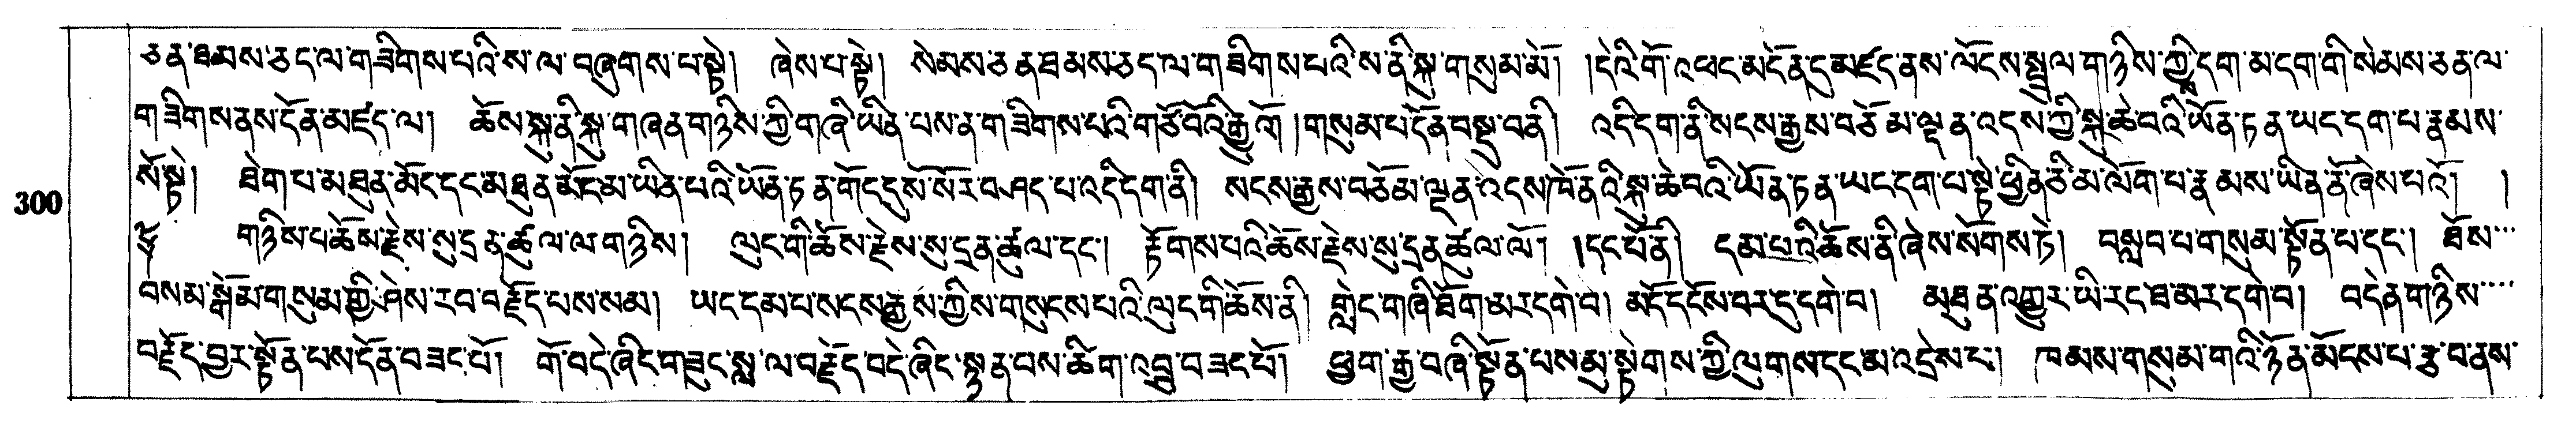ཅན་ཐམས་ཅད་ལ་གཟིགས་པའི་ས་ལ་བཞུགས་པ་སྟེ། ཞེས་པ་སྟེ། སེམས་ཅན་ཐམས་ཅད་ལ་གཟིགས་པའི་ས་ནི་སྐུ་གསུམ་མོ། །དེའི་གོ་འཕང་མངོན་དུ་མཛད་ནས་ལོངས་སྤྲུལ་གཉིས་ཀྱི་དག་མ་དག་གི་སེམས་ཅན་ལ་
གཟིགས་ནས་དོན་མཛད་ལ། ཆོས་སྐུ་ནི་སྐུ་གཞན་གཉིས་ཀྱི་གཞི་ཡིན་པས་ན་གཟིགས་པའི་གཙོ་བོའི་རྒྱུའོ། །གསུམ་པ་དོན་བསྡུ་བ་ནི། འདི་དག་ནི་སངས་རྒྱས་བཅོམ་ལྡན་འདས་ཀྱི་སྐུ་ཆེ་བའི་ཡོན་ཏན་ཡང་དག་པ་རྣམས་
སོ་སྟེ། ཐེག་པ་མཐུན་མོང་དང་མཐུན་མོང་མ་ཡིན་པའི་ཡོན་ཏན་གོང་དུ་སོ་སོར་བཤད་པ་འདི་དག་ནི། སངས་རྒྱས་བཅོམ་ལྡན་འདས་ཁོ་ནའི་སྐུ་ཆེ་བའི་ཡོན་ཏན་ཡང་དག་པ་སྟེ་ཕྱིན་ཅི་མ་ལོག་པ་རྣམས་ཡིན་ནོ་ཞེས་པའོ། །
༈ གཉིས་པ་ཆོས་རྗེས་སུ་དྲན་ཚུལ་ལ་གཉིས། ལུང་གི་ཆོས་རྗེས་སུ་དྲན་ཚུལ་དང་། རྟོགས་པའི་ཆོས་རྗེས་སུ་དྲན་ཚུལ་ལོ། །དང་པོ་ནི། དམ་པའི་ཆོས་ནི་ཞེས་སོགས་ཏེ། བསླབ་པ་གསུམ་སྟོན་པ་དང་། ཐོས་
བསམ་སྒོམ་གསུམ་གྱི་ཤེས་རབ་བརྗོད་པས་སམ། ཡང་དམ་པ་སངས་རྒྱས་ཀྱིས་གསུངས་པའི་ལུང་གི་ཆོས་ནི། གླེང་གཞི་ཐོག་མར་དགེ་བ། མདོ་དངོས་བར་དུ་དགེ་བ། མཐུན་འགྱུར་ཡི་རང་ཐ་མར་དགེ་བ། བདེན་གཉིས་
བརྗོད་བྱར་སྟོན་པས་དོན་བཟང་པོ། གོ་བདེ་ཞིང་གཟུང་སླ་ལ་བརྗོད་བདེ་ཞིང་སྙན་པས་ཚིག་འབྲུ་བཟང་པོ། ཕྱག་རྒྱ་བཞི་སྟོན་པས་མུ་སྟེགས་ཀྱི་ལུགས་དང་མ་འདྲེས་པ། ཁམས་གསུམ་གའི་ཉོན་མོངས་པ་རྩ་བ་ནས་